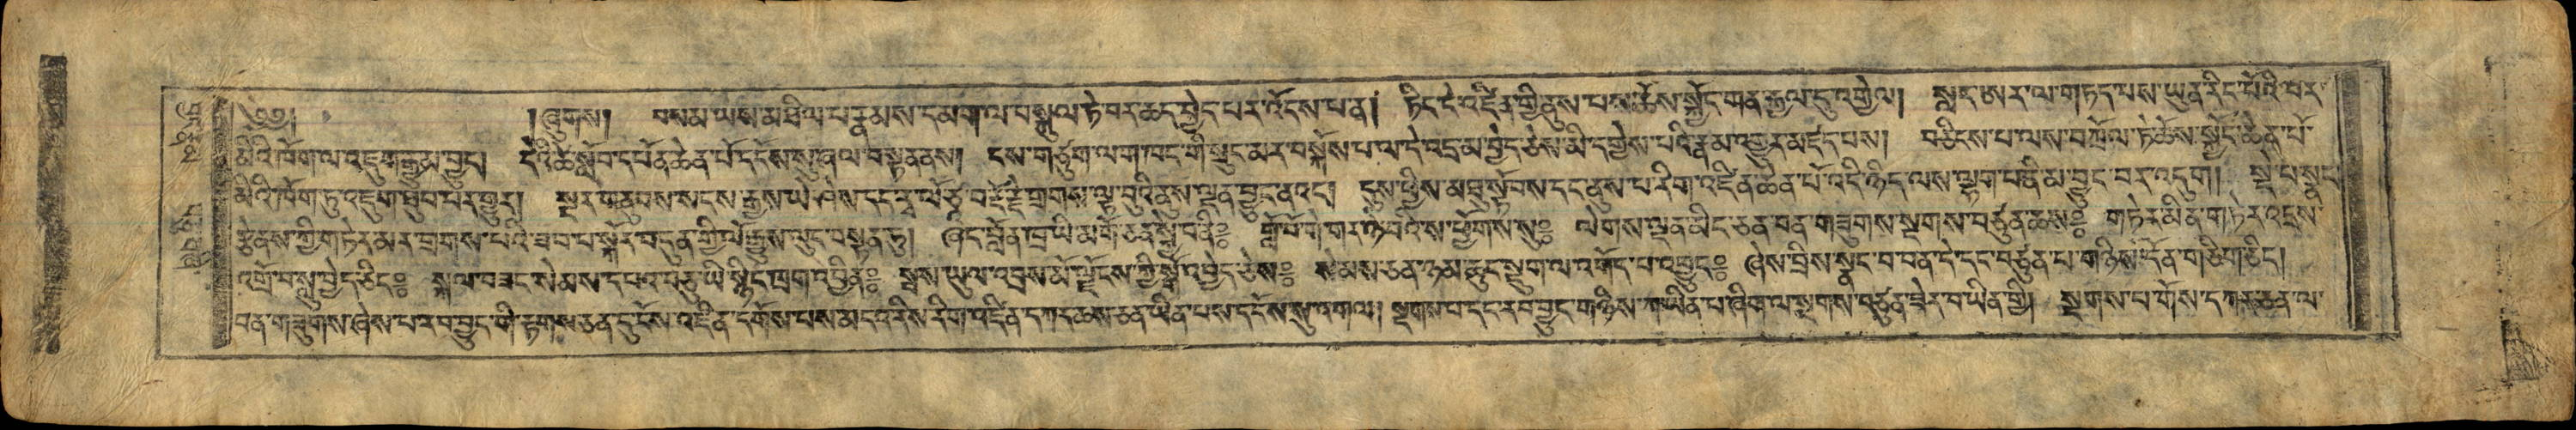༄༅། །ཞུགས། བསམ་ཡས་མཐིལ་པ་རྣམས་དམག་ལ་བསྐུལ་ཏེ་བར་ཆད་བྱེད་པར་འོངས་པ་ན། ཏིང་ངེ་འཛིན་གྱི་ནུས་པས་ཆོས་སྐྱོང་གན་རྐྱལ་དུ་འགྱེལ། སླར་ཨར་ལ་གཏད་པས་ཡུན་རིང་པོའི་བར་
མིའི་ཁོག་ལ་འཇུག་རྒྱུ་མ་བྱུང་། དེའི་ཚེ་སློབ་དཔོན་ཆེན་པོ་དངོས་སུ་ཞལ་བསྟན་ནས། ངས་གཙུག་ལག་ཁང་གི་སྲུང་མར་བསྐོས་པ་ལ་དེ་འདྲ་མ་བྱེད་ཅེས་མི་དགྱེས་པའི་རྣམ་འགྱུར་མཛད་པས། བཅིངས་པ་ལས་བཀྲོལ་ཏེ་ཆོས་སྐྱོང་ཆེན་པོ་
མིའི་ཁོག་ཏུ་འཇུག་ཐུབ་པར་གྱུར། སྔར་གནུབས་སངས་རྒྱས་ཡེ་ཤེས་དང་རྭ་ལོ་ཙཱ་བ་རྡོ་རྗེ་གྲགས་ལྟ་བུའི་ནུས་ལྡན་བྱུང་ནའང་། དུས་ཕྱིས་མཐུ་སྟོབས་དང་ནུས་པ་རིག་འཛིན་ཆེན་པོ་འདི་ཉིད་ལས་ལྷག་པ་ནི་མ་བྱུང་བར་འདུག། སྡེ་པ་སྣང་
རྩེ་ནས་ཀྱི་གཏེར་མར་གྲགས་པའི་ཟབ་པ་སྐོར་བདུན་གྱི་ལོ་རྒྱུས་ལུང་བསྟན་ཏུ། ཞང་བློན་ཁྲ་ཡི་མགོ་ཅན་སྐྱེ་བ་ནིཿ་གློ་བོ་གེ་གར་ཉེ་བའི་ས་ཕྱོགས་སུཿ་ལེགས་ལྡན་མིང་ཅན་བན་གཟུགས་སྔགས་བཙུན་ཆསཿ་གཏེར་མིན་གཏེར་འདྲས་
འགྲོ་བ་སླུ་བྱེད་ཅིངཿ་སྐལ་བཟང་སེམས་དཔའ་བཅུ་ཡི་སྙིང་ཁྲག་འབྱིནཿ་སྦས་ཡུལ་འབྲས་མོ་ལྗོངས་ཀྱི་སྒོ་འབྱེད་ཅེསཿ་སེམས་ཅན་ཉམ་ཆུང་སྡུག་ལ་འགོད་པ་འབྱུངཿ་ཞེས་བྲིས་སྣང་བ་བན་དེ་དང་བཙུན་པ་གཉིས་དོན་གཅིག་ཅིང་།
བན་གཟུགས་ཞས་པ་རབ་བྱུང་གི་རྟགས་ཅན་དུ་ངོས་འཛིན་དགོས་པས་མངའ་རིག་འཛིན་དཀར་ཆས་ཅན་ཡིན་པས་དངོས་སུ་འགལ། སྔགས་པ་དང་རབ་བྱུང་གཉིས་ཀ་ཡིན་པ་ཞིག་ལ་སྔགས་བཙུན་ཟེར་བ་ཡིན་གྱི། སྔགས་པ་གོས་དཀར་ཅན་ལ་